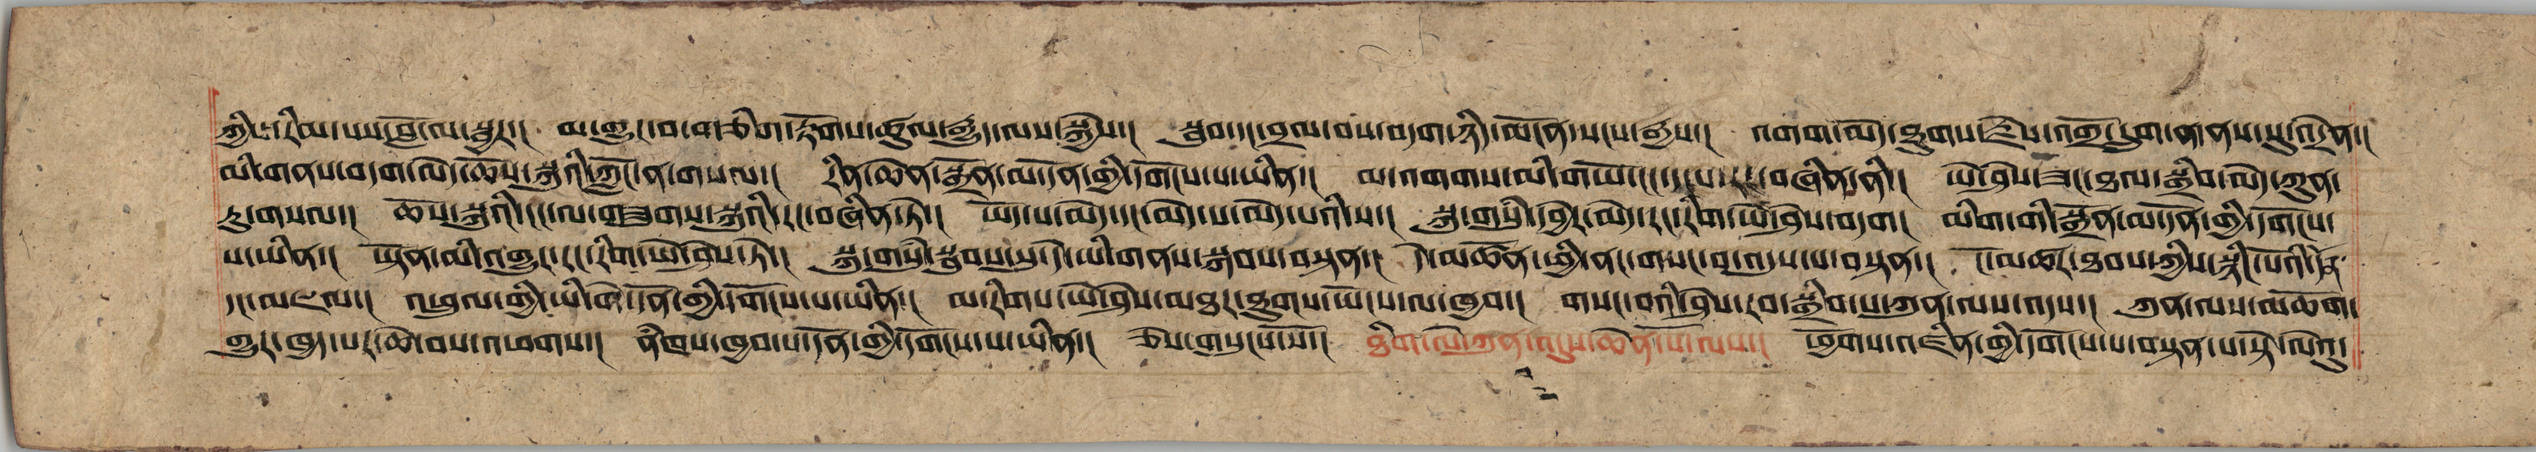ཀྱིས་རིམ་པས་བློ་ལ་སྦྱར་། མ་གྱུར་བ་གཅིག་རྟོགས་ཚུལ་རྒྱུད་ལས་སྐྱེས་། སྦུབ་དང་བྲལ་བས་བདག་ཉིད་མངོན་སངས་རྒྱས་། འགག་མེད་ཐུགས་རྗེས་འགྲོ་དྲུག་གནས་སུ་འདྲེན་།
མི་གནས་བདག་མེད་ཆོས་སྐུའི་ཀློང་ན་གསལ་། རིན་ཆེན་སྒྲོན་མ་དོན་གྱི་དགོངས་པ་ཡིན་། མ་འགགས་མི་གཡོ་ངང་ངལ་རང་བཞིན་ནི་། ཡེ་ཤེས་ཟང་ཐལ་སྒྲིབ་མེད་ཀུན་
རུ་གསལ་། ཆོས་སྐུའི་ངང་ལ་གཟུགས་སྐུའི་རང་བཞིན་ཏེ་། ཡོད་པ་མེད་དང་མེད་པ་མེད་པའི་ས་། སྐུ་གསུཾ་དབྱེར་མེད་རང་རིག་ཡེ་ཤེས་བདག། མིག་གི་སྒྲོན་མ་དོན་གྱི་དགོངས་
པ་ཡིན་། ཡྟོན་མི་འགྱུར་རང་རིག་ཡེ་ཤེས་ཏེ་། སྐུ་གསུཾ་སྦུབས་སུ་དེ་ཡི་གནས་སྐབས་བསྟན་། དེ་མཚོན་ཕྱི་ནང་གསང་བ་འདུས་པ་བསྟན་། ངོ་མཚར་ཐབས་ཀྱིས་སྙིང་པོའི་དོན་
དང་མཇལ་། འཕྲུལ་གྱི་ཡི་གེ་དོན་གྱི་དགོངས་པ་ཡིན་། མ་རིགས་ཡེ་ཤེས་མཐར་ཐུགས་ཡོངས་ལ་ཁྱབ་། གསང་བའི་ཤེས་རབ་སྒྲིབ་པ་ཀུན་ལས་འདས་། ཀུན་ལས་མཆོག་
གྱུར་ཁྱད་པར་ཆེ་བས་འཕགས་། ནཾཁས་ཁྱབ་པ་དོན་གྱི་དགོངས་པ་ཡིན་། ཅེས་གསུངས་སོ་། ཐིག་ལེ་ཀུན་འདུས་ཆེན་པོ་ལས་། ཕྱོགས་འཛིན་གྱི་དགོངས་པ་བསྟན་པ་སྟེ་ལེའུ་